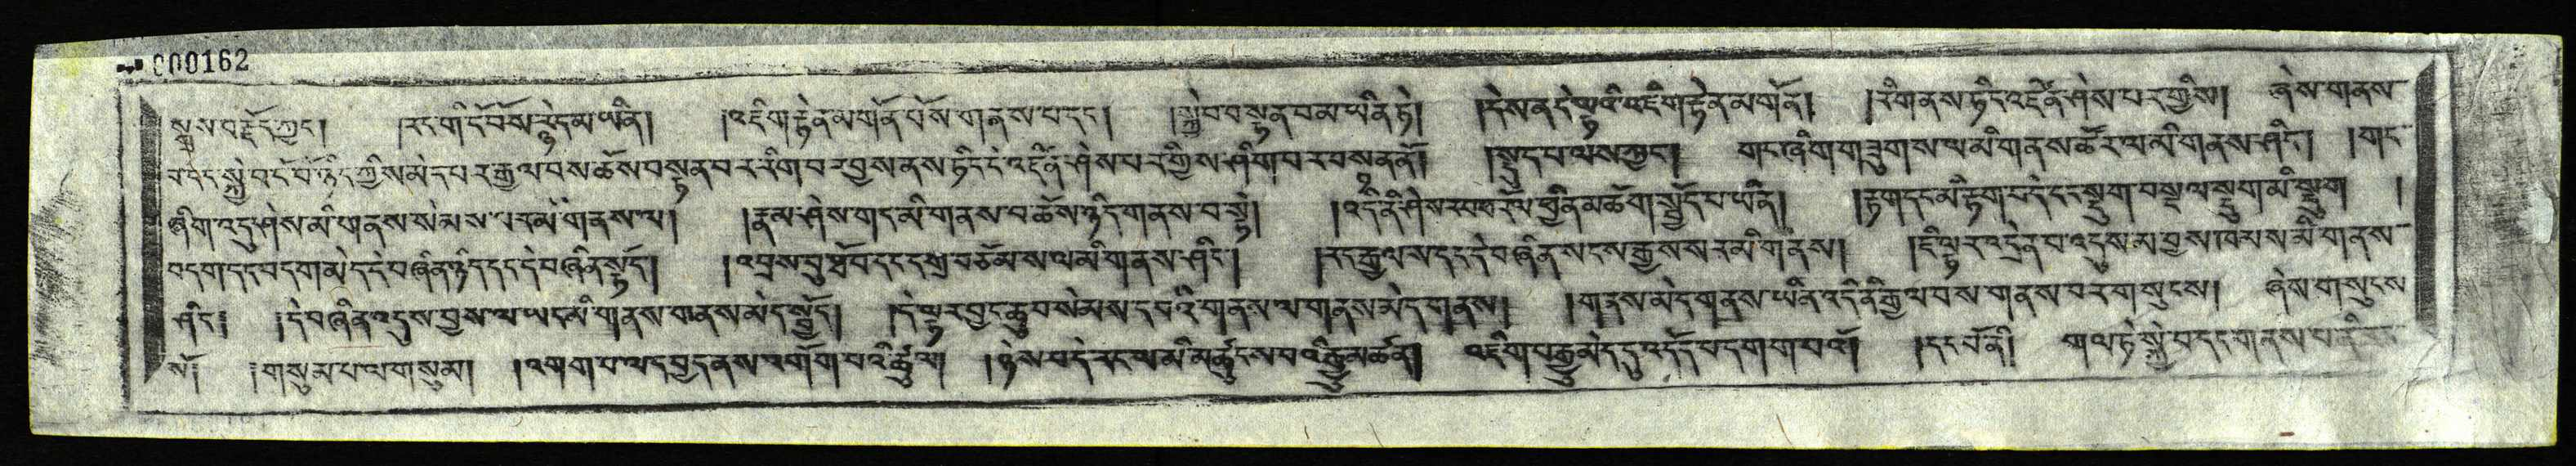སྒྲས་བརྗོད་ཀྱང་། །རང་གི་ངོ་བོས་རྙེད་མ་ཡིན། །འཇིག་རྟེན་མགོན་པོས་གནས་པ་དང་། །སྐྱེ་བ་བསྟན་པ་མ་ཡིན་ཏེ། །དེས་ན་དེ་ལྟའི་འཇིག་རྟེན་མགོན། །རིག་ནས་ཏིང་འཛིན་ཤེས་པར་གྱིས། ཞེས་གནས་
པ་དང་སྐྱེ་བ་ངོ་བོ་ཉིད་ཀྱིས་མེད་པར་རྒྱལ་བས་ཆོས་བསྟན་པར་རིག་པར་བྱས་ནས་ཏིང་ངེ་འཛིན་ཤེས་པར་གྱིས་ཤིག་པར་བསྟན་ནོ། །སྡུད་པ་ལས་ཀྱང་། གང་ཞིག་གཟུགས་ལ་མི་གནས་ཚོར་ལ་མི་གནས་ཤིང་། །གང་
ཞིག་འདུ་ཤེས་མི་གནས་སེམས་པར་མི་གནས་ལ། །རྣམ་ཤེས་གང་མི་གནས་པ་ཆོས་ཉིད་གནས་པ་སྟེ། །འདི་ནི་ཤེས་རབ་ཕ་རོལ་ཕྱིན་མཆོག་སྤྱོད་པ་ཡིན། །རྟག་དང་མི་རྟག་པ་དེ་དང་སྡུག་བསྔལ་སྡུག་མི་སྡུག །
བདག་དང་བདག་མེད་དེ་བཞིན་ཉིད་དང་དེ་བཞིན་སྟོང་། །འབྲས་བུ་ཐོབ་དང་དགྲ་བཅོམ་ས་ལ་མི་གནས་ཤིང་། །རང་རྒྱལ་ས་དང་དེ་བཞིན་སངས་རྒྱས་སར་མི་གནས། །ཇི་ལྟར་འདྲེན་པ་འདུས་མ་བྱས་ཁམས་མི་གནས་
ཤིང་། །དེ་བཞིན་འདུས་བྱས་ལ་ཡང་མི་གནས་གནས་མེད་སྤྱོད། །དེ་ལྟར་བྱང་ཆུབ་སེམས་དཔའི་གནས་ལ་གནས་མེད་གནས། །གནས་མེད་གནས་ཡིན་འདི་ནི་རྒྱལ་བས་གནས་པར་གསུངས། ཞེས་གསུངས་
སོ༑ ༑གསུམ་པ་ལ་གསུམ། །འགག་པ་ལ་དཔྱད་ནས་འགོག་པའི་ཚུལ། །ཉེས་པ་དེ་རང་ལ་མི་མཚུངས་པའི་རྒྱུ་མཚན། འཇིག་པ་རྒྱུ་མེད་དུ་འདོད་པ་དགག་པའོ། །དང་པོ་ནི། གལ་ཏེ་སྐྱེ་བ་དང་གནས་པ་ནི་རང་